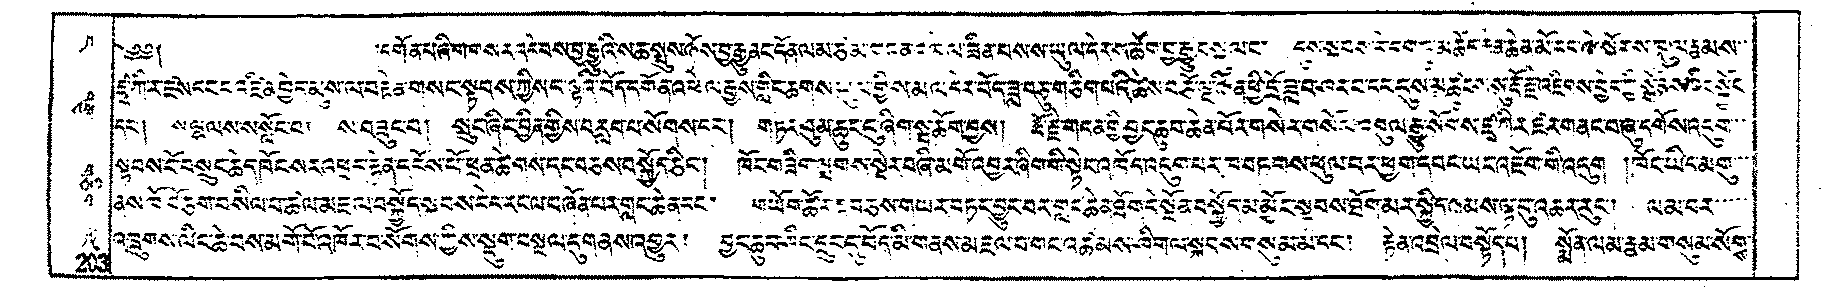༄༅། །དགོན་པ་ཞིག་གསར་འདེབས་བྱ་རྒྱུའི་ས་ཆ་སྤུས་ཉོས་བྱ་རྒྱུ་ནང་དོན་ལམ་ཙམ་གཏན་འཁེལ་ཟིན་པས་ས་ཡུལ་དེར་ས་ཆོག་བྱ་རྒྱུ་བསྐུལ་བ། དུས་སྐྱབས་དེ་དག་ཏུ་མཆོད་རྟེན་ཆེན་མོ་དང་ཉེ་སྐོར་ས་ཁུལ་རྣམས་
ཛྭ་ཀི་ར་ཛས་དབང་འཛིན་བྱེད་མུས་ལ་བརྟེན་གསང་སྟབས་ཀྱིས་ད་ལྟའི་བོད་དགོན་འཕེལ་རྒྱས་གླིང་ཆགས་ཡུལ་གྱི་ས་མལ་དེར་བོད་ཟླ་བཅུ་གཅིག་པའི་ཚེས་བཅོ་ལྔ་ཉིན་ཕྱི་དྲོ་ཟླ་བ་ཤར་བ་དང་དུས་མཚུངས་སུ་རྡོ་རྗེ་འཇིགས་བྱེད་ཀྱི་སྒོ་ནས་?་སྐྱོང་
དང་། ས་ལྷ་ལས་ས་སློང་བ། ས་བཟུང་བ། སྲུང་ཞིང་བྱིན་གྱིས་བརླབ་པ་སོགས་དང་། གཏེར་བུམ་ཆུང་ངུ་ཞིག་སྦ་ཆོག་བྱས། རྡོ་རྗེ་གདན་གྱི་བྱང་ཆུབ་ཆེན་པོར་གསེར་གསོལ་འབུལ་རྒྱུ་སོགས་ཛྭ་ཀི་ར་ཛར་གནང་བ་ཞུ་དགོས་འདུག་
སྟབས་ངོ་བསྲུང་ཆེད་ཁོངས་ར་འཕྲད་རྟེན་དངོས་པོ་ཕྲན་ཚེགས་དང་བཅས་བསྐྱོད་ཅིང་། ཁོང་གཟིག་ལྤགས་སྡེར་བཞི་མགོ་འབྱར་ཞིག་གི་སྟེང་འཁོད་འདུག་པར་ཁ་བཏགས་ཕུལ་བར་ཕྱག་དབང་ཡང་འཇོག་གི་འདུག །ཁོང་ཡིད་མགུ་
ནས་ཁོ་བོ་ཅག་བསིལ་བ་ཚལ་མཇལ་བསྐྱོད་སྐབས་ངེད་རང་ལ་བཞོན་པར་གླང་ཆེན་དང་། གཡོག་ཚོར་རྟ་བཅས་གཡར་བཏང་བྱུང་བར་གླང་ཆེན་ཐོག་དེ་སྔོན་བསྐྱོད་མ་མྱོང་སྟབས་ཐོག་མར་སྐྱིད་ཉམས་ལྟ་བུ་འཆར་རུང་། ལམ་བར་
འཁྲུགས་ལིང་ཆེ་བས་མགོ་བོ་འཁོར་བ་སོགས་ཀྱིས་སྡུག་བསྔལ་དུ་གནས་འགྱུར། བྱང་ཆུབ་ཤིང་དྲུང་དུ་བོད་མི་གནས་མཇལ་བ་གང་འཚམས་ཤིག་ལ་སྐབས་གསུམ་མ་དང་། རྟེན་འབྲེལ་བསྟོད་པ། སྨོན་ལམ་རྣམ་གསུམ་སོགས་